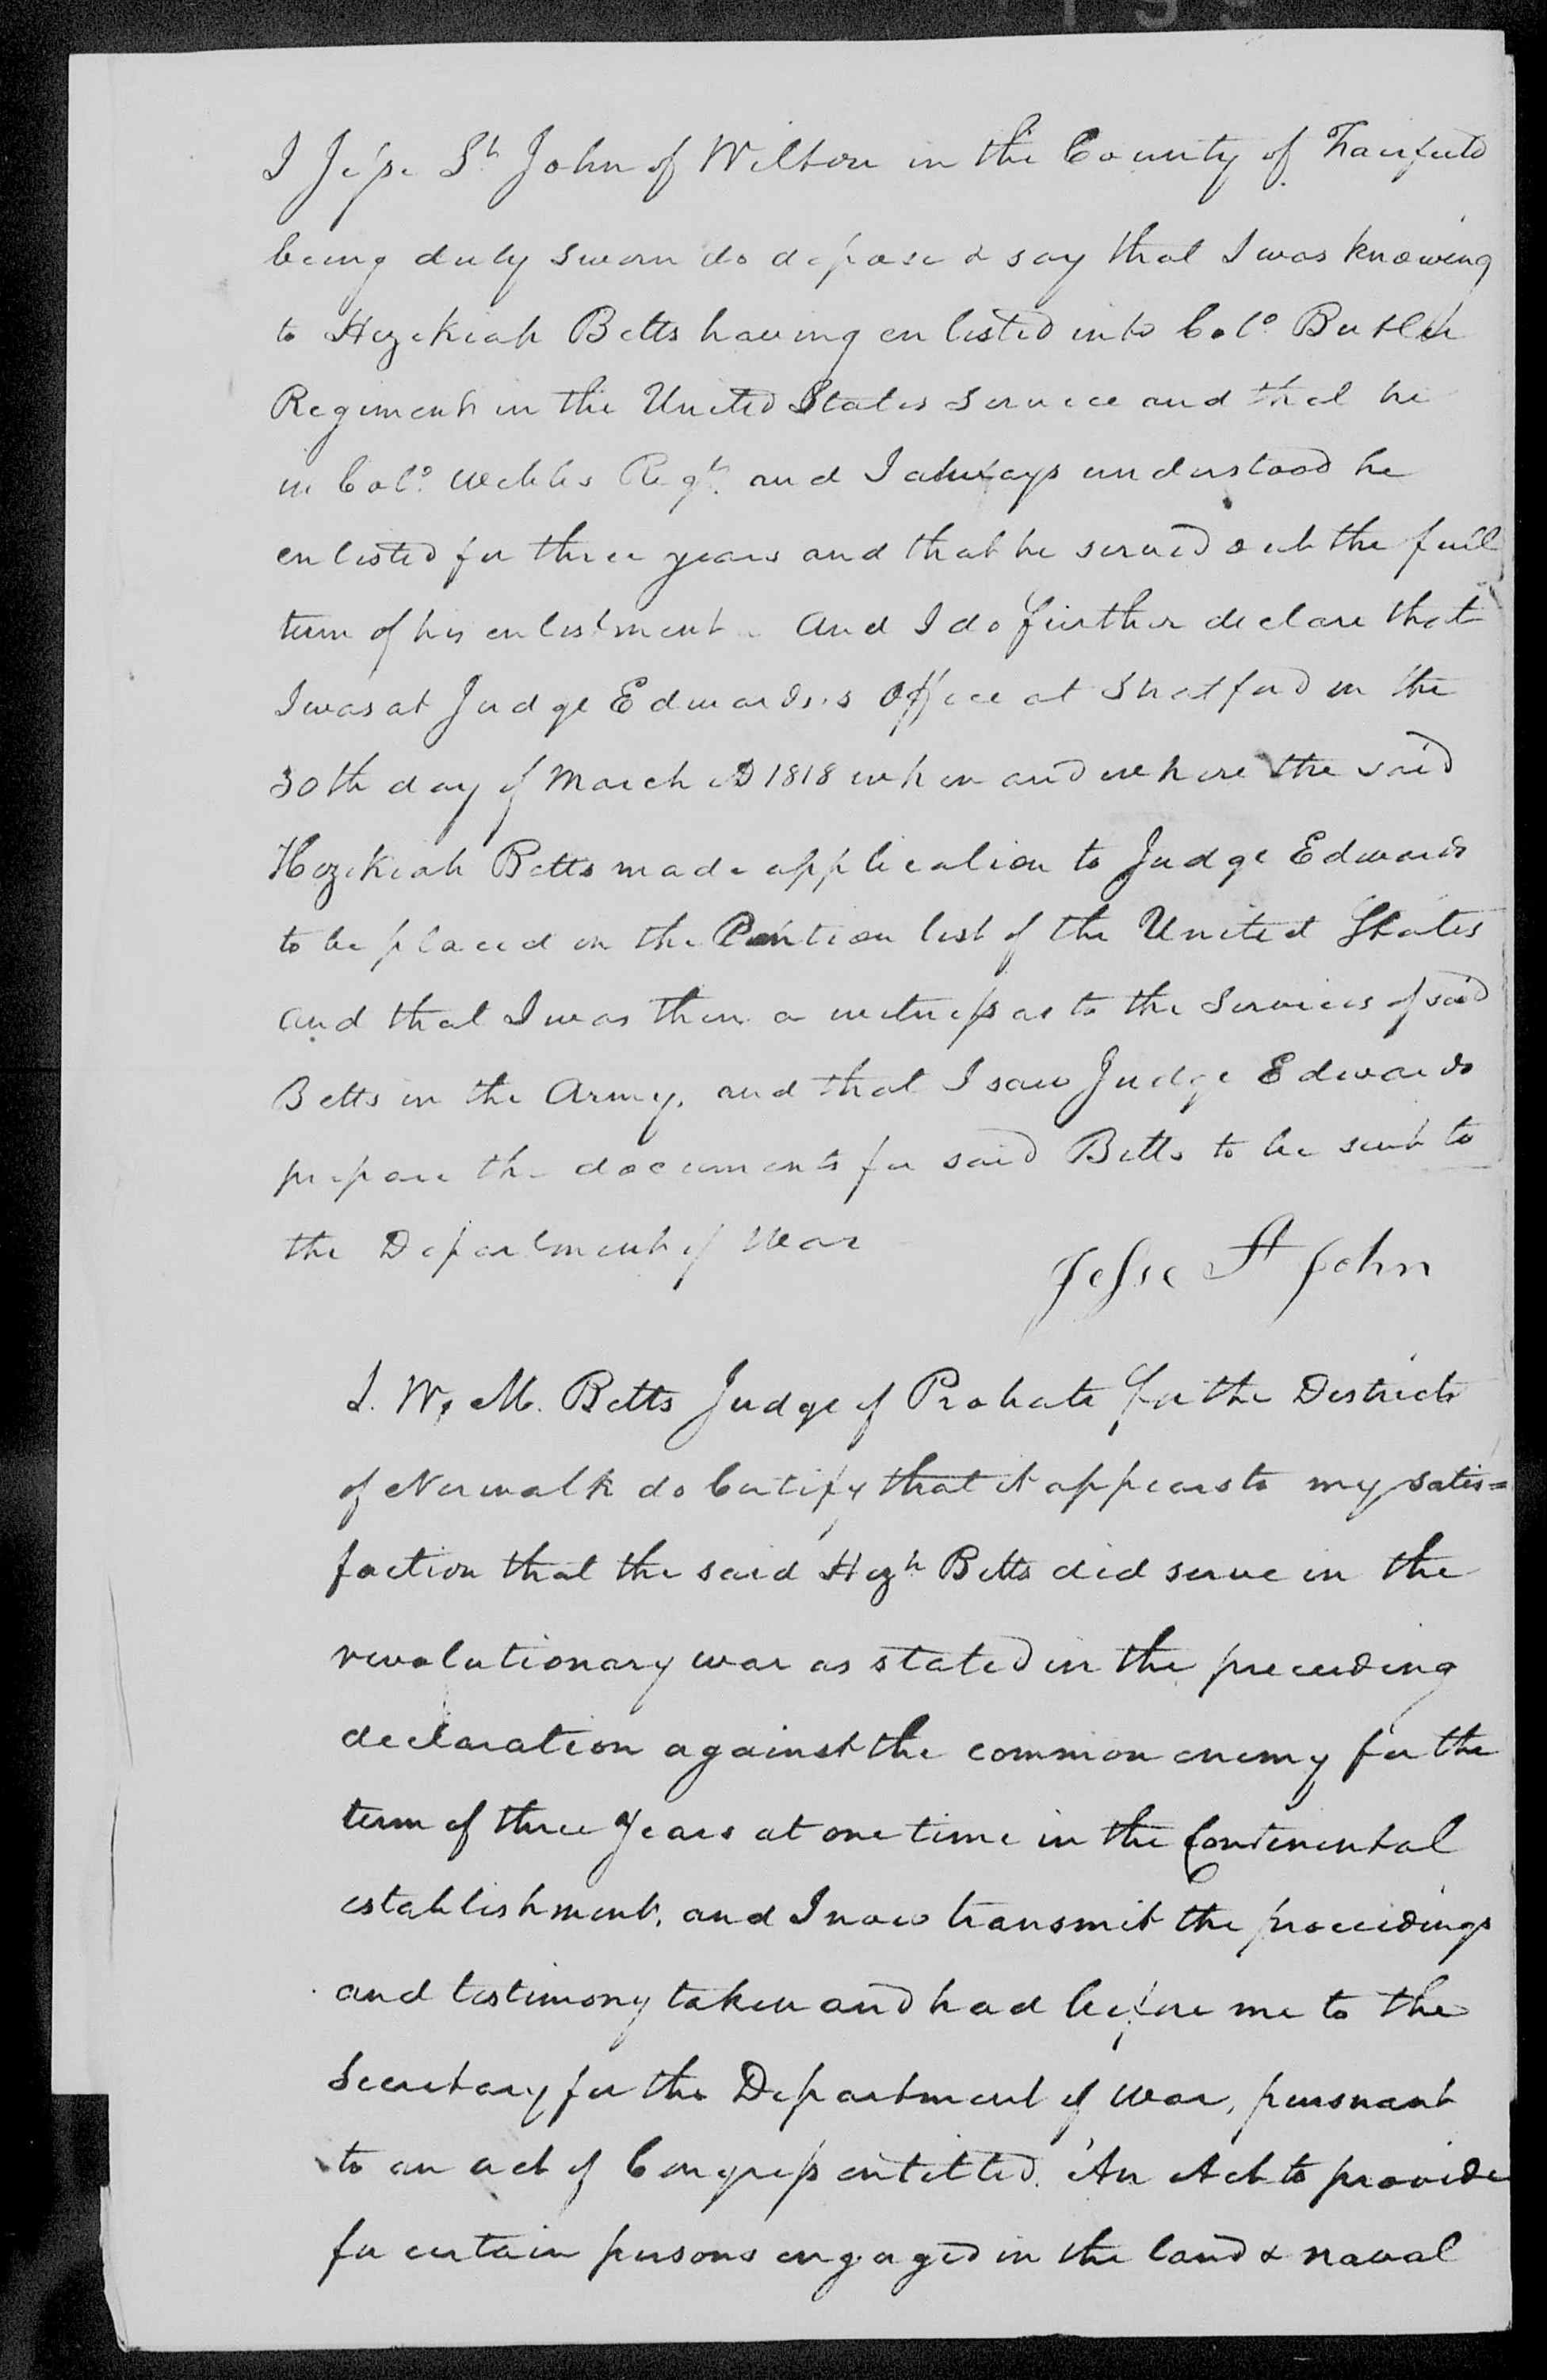I Jesse St. John of Wilton in the County of Fairfield being duly sworn do depose & say that I was knowing to Hezekiah Betts having enlisted into Colo Butlers Regiment in the United States service and that he in Colo Webss Regt and I always understood he enlisted for three years and that he served out the full term of his enlistment. And I do further declare that I was at Judge Edwards' Office at Shatford on the 30th day of March AD 1818 when and where the said Hezekiah Betts made application to Judge Edwards to be placed on the Pension list of the United States and that I was then a witness as to the services of said Betts in the army, and that I saw Judge Edwards purpose the documents for said Betts to be sent to the Department of War.
Jesse St John
I W. M. Betts Judge of Probate for the District of Norwalk do certify that it appears to my satisfaction that the said Hezh Betts did serve in the revolutionary war as stated in the preceding declaration against the common enemy for the term of three years at one time in the Continental establishment, and I now transmit the proceedings and testimony taken and had before me to the Secretary for the Department of War, pursuant to an act of Congress entitled "An act to provide for certain persons engaged in the land & naval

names: Judge Edwards, Betts, Jesse St John, Hezekiah Betts, Hezh Betts, Hezekiah Betts, Jesse St John, Judge Edwards, W M Betts, Judge Edwards, Betts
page: 47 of 61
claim: widow's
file: W. 29,929, Hezekiah Betts, Conn.